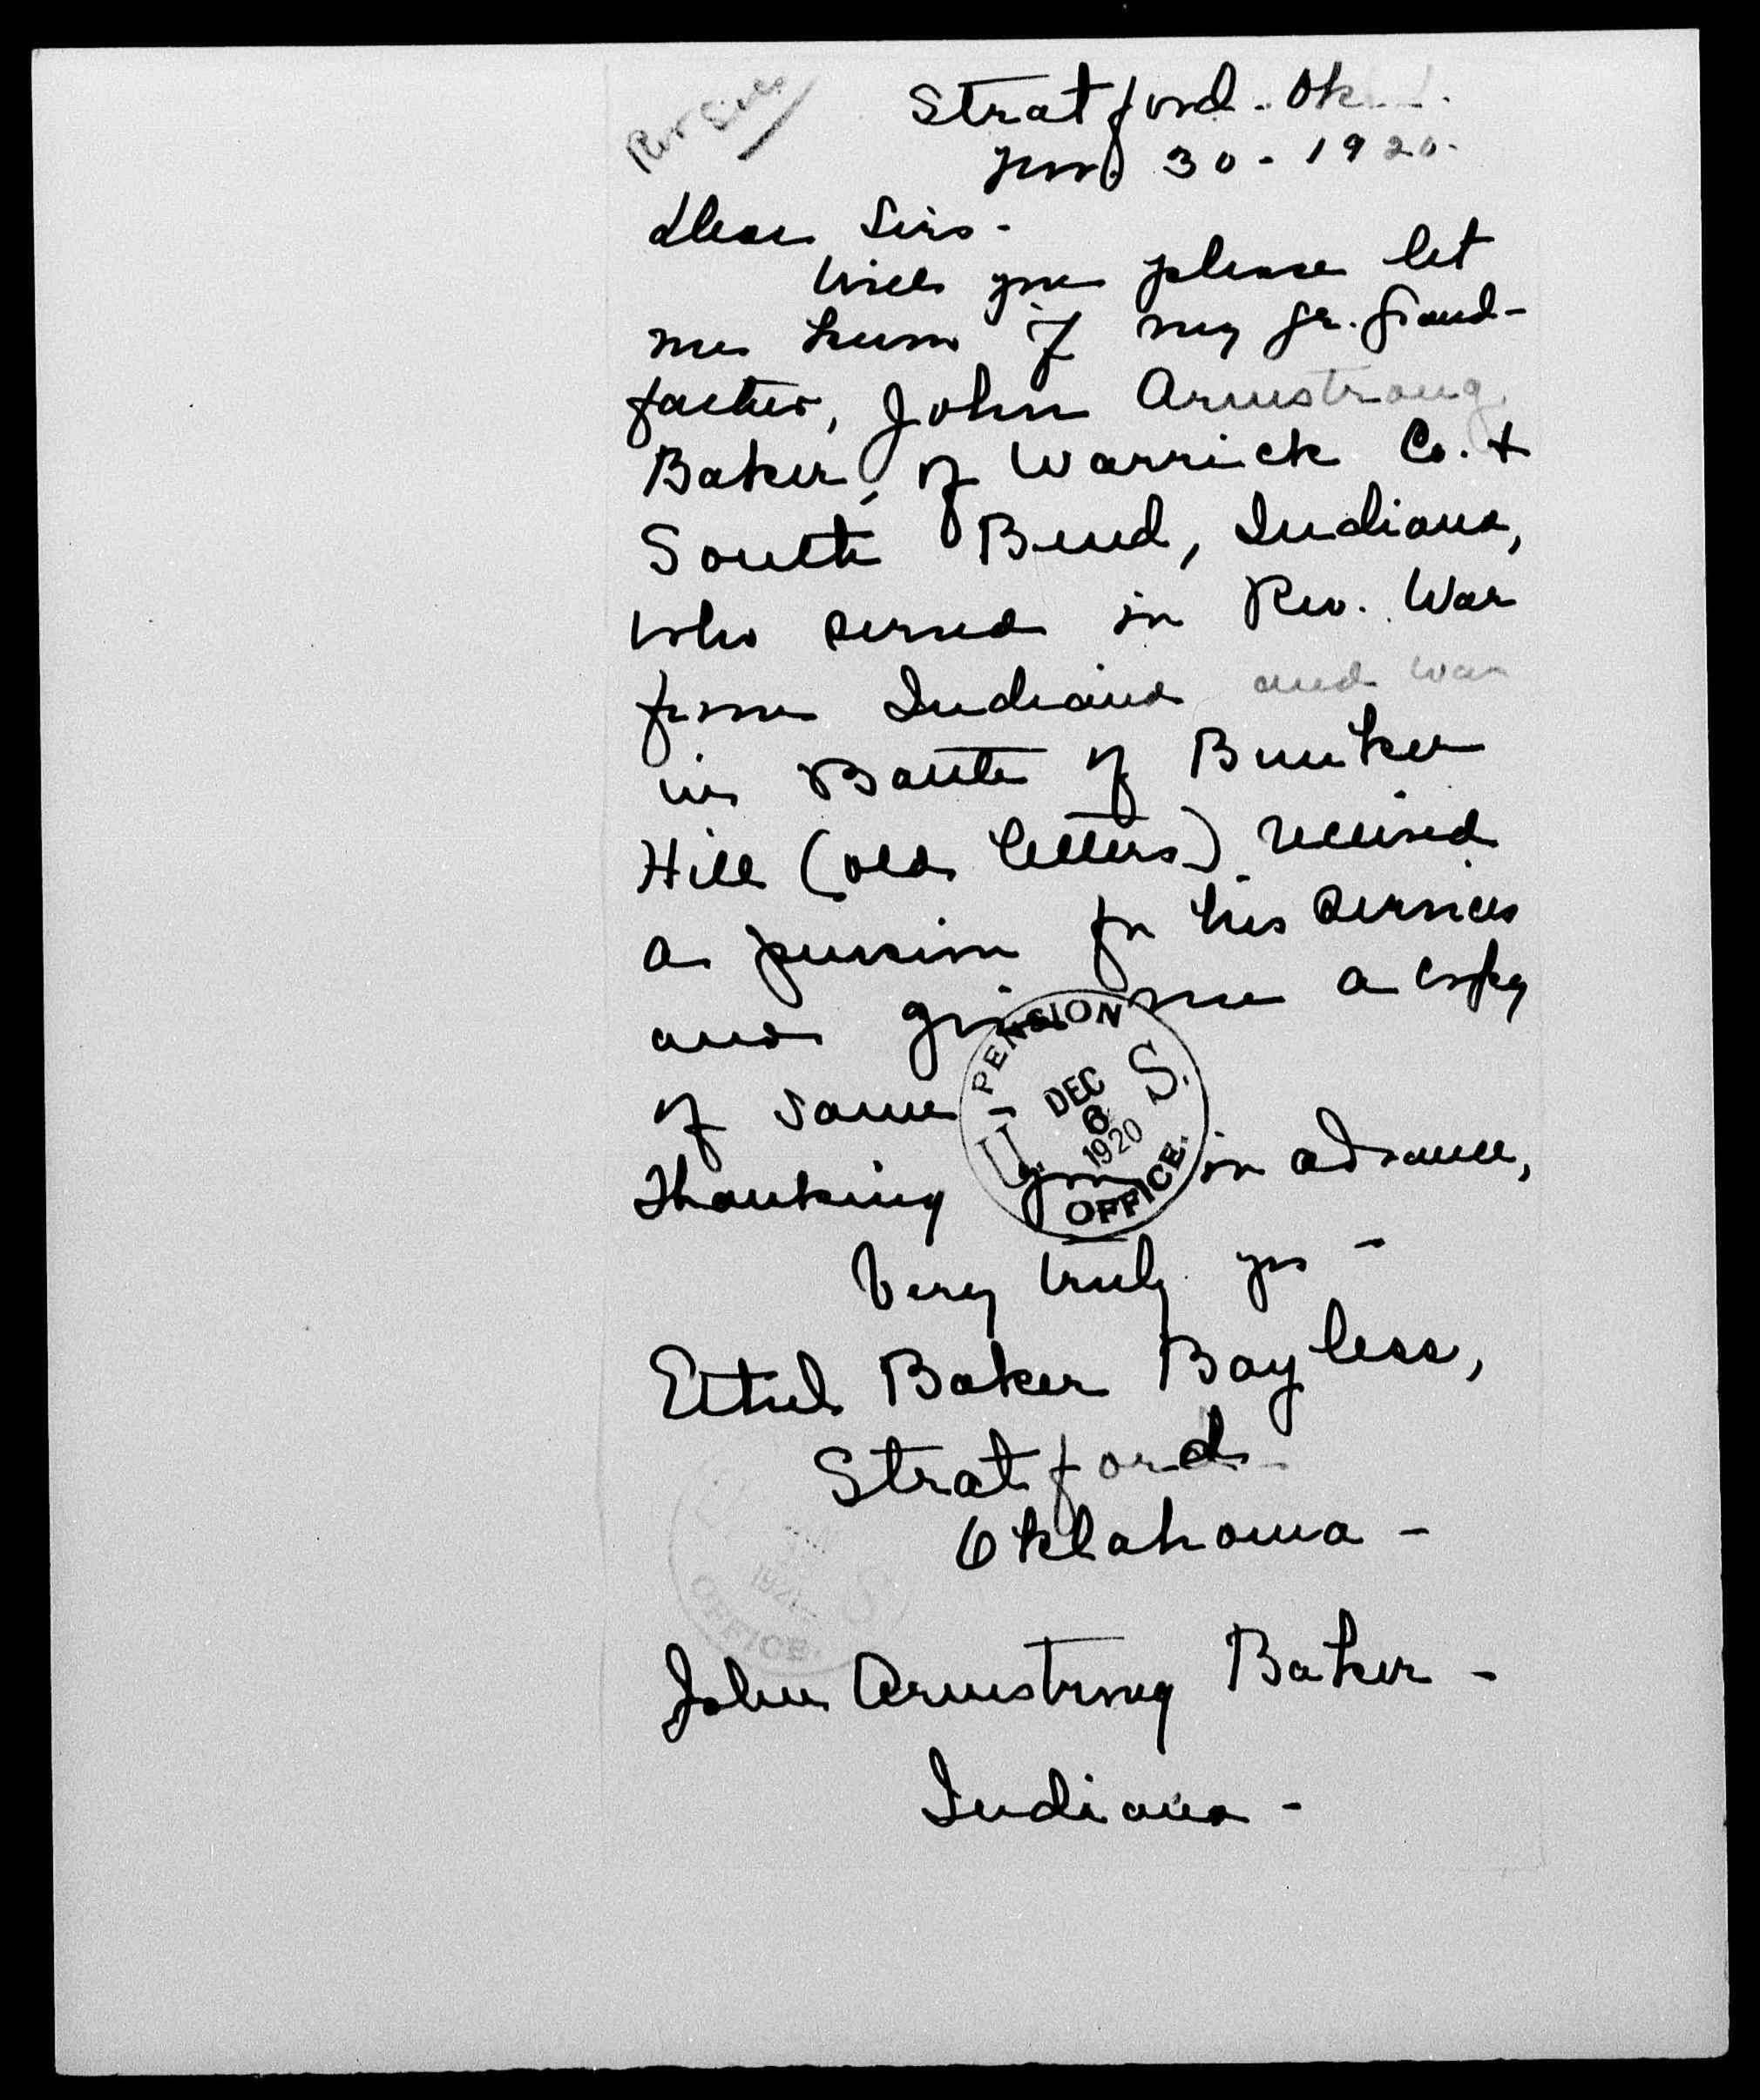Rev. Sec.
Stratford, Ok.
Nov. 30, 1920
Dear Sirs -
Will you please let me know if my gr. grandfather, John Armstong Baker, of Warrick Co. & South Bend, Indiana, who served in Rev. War from Indiana and was in Battle of Bunker Hill (old letters) received a pension for his services and give me a copy of same.
Thanking you in advance,
Very truly yrs-
Ethel Baker Bayless,
Stratford Oklahoma

John Armstong Baker - Indiana

[stamp] U.S. PENSION OFFICE DEC 6 1920
[stamp] U.S. PENSION OFFICE JAN 28 1921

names: John Armstrong Baker, John Armstrong Baker, Ethel Baker Bayless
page: 21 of 27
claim: rejected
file: R. 406, John Baker, S.C.